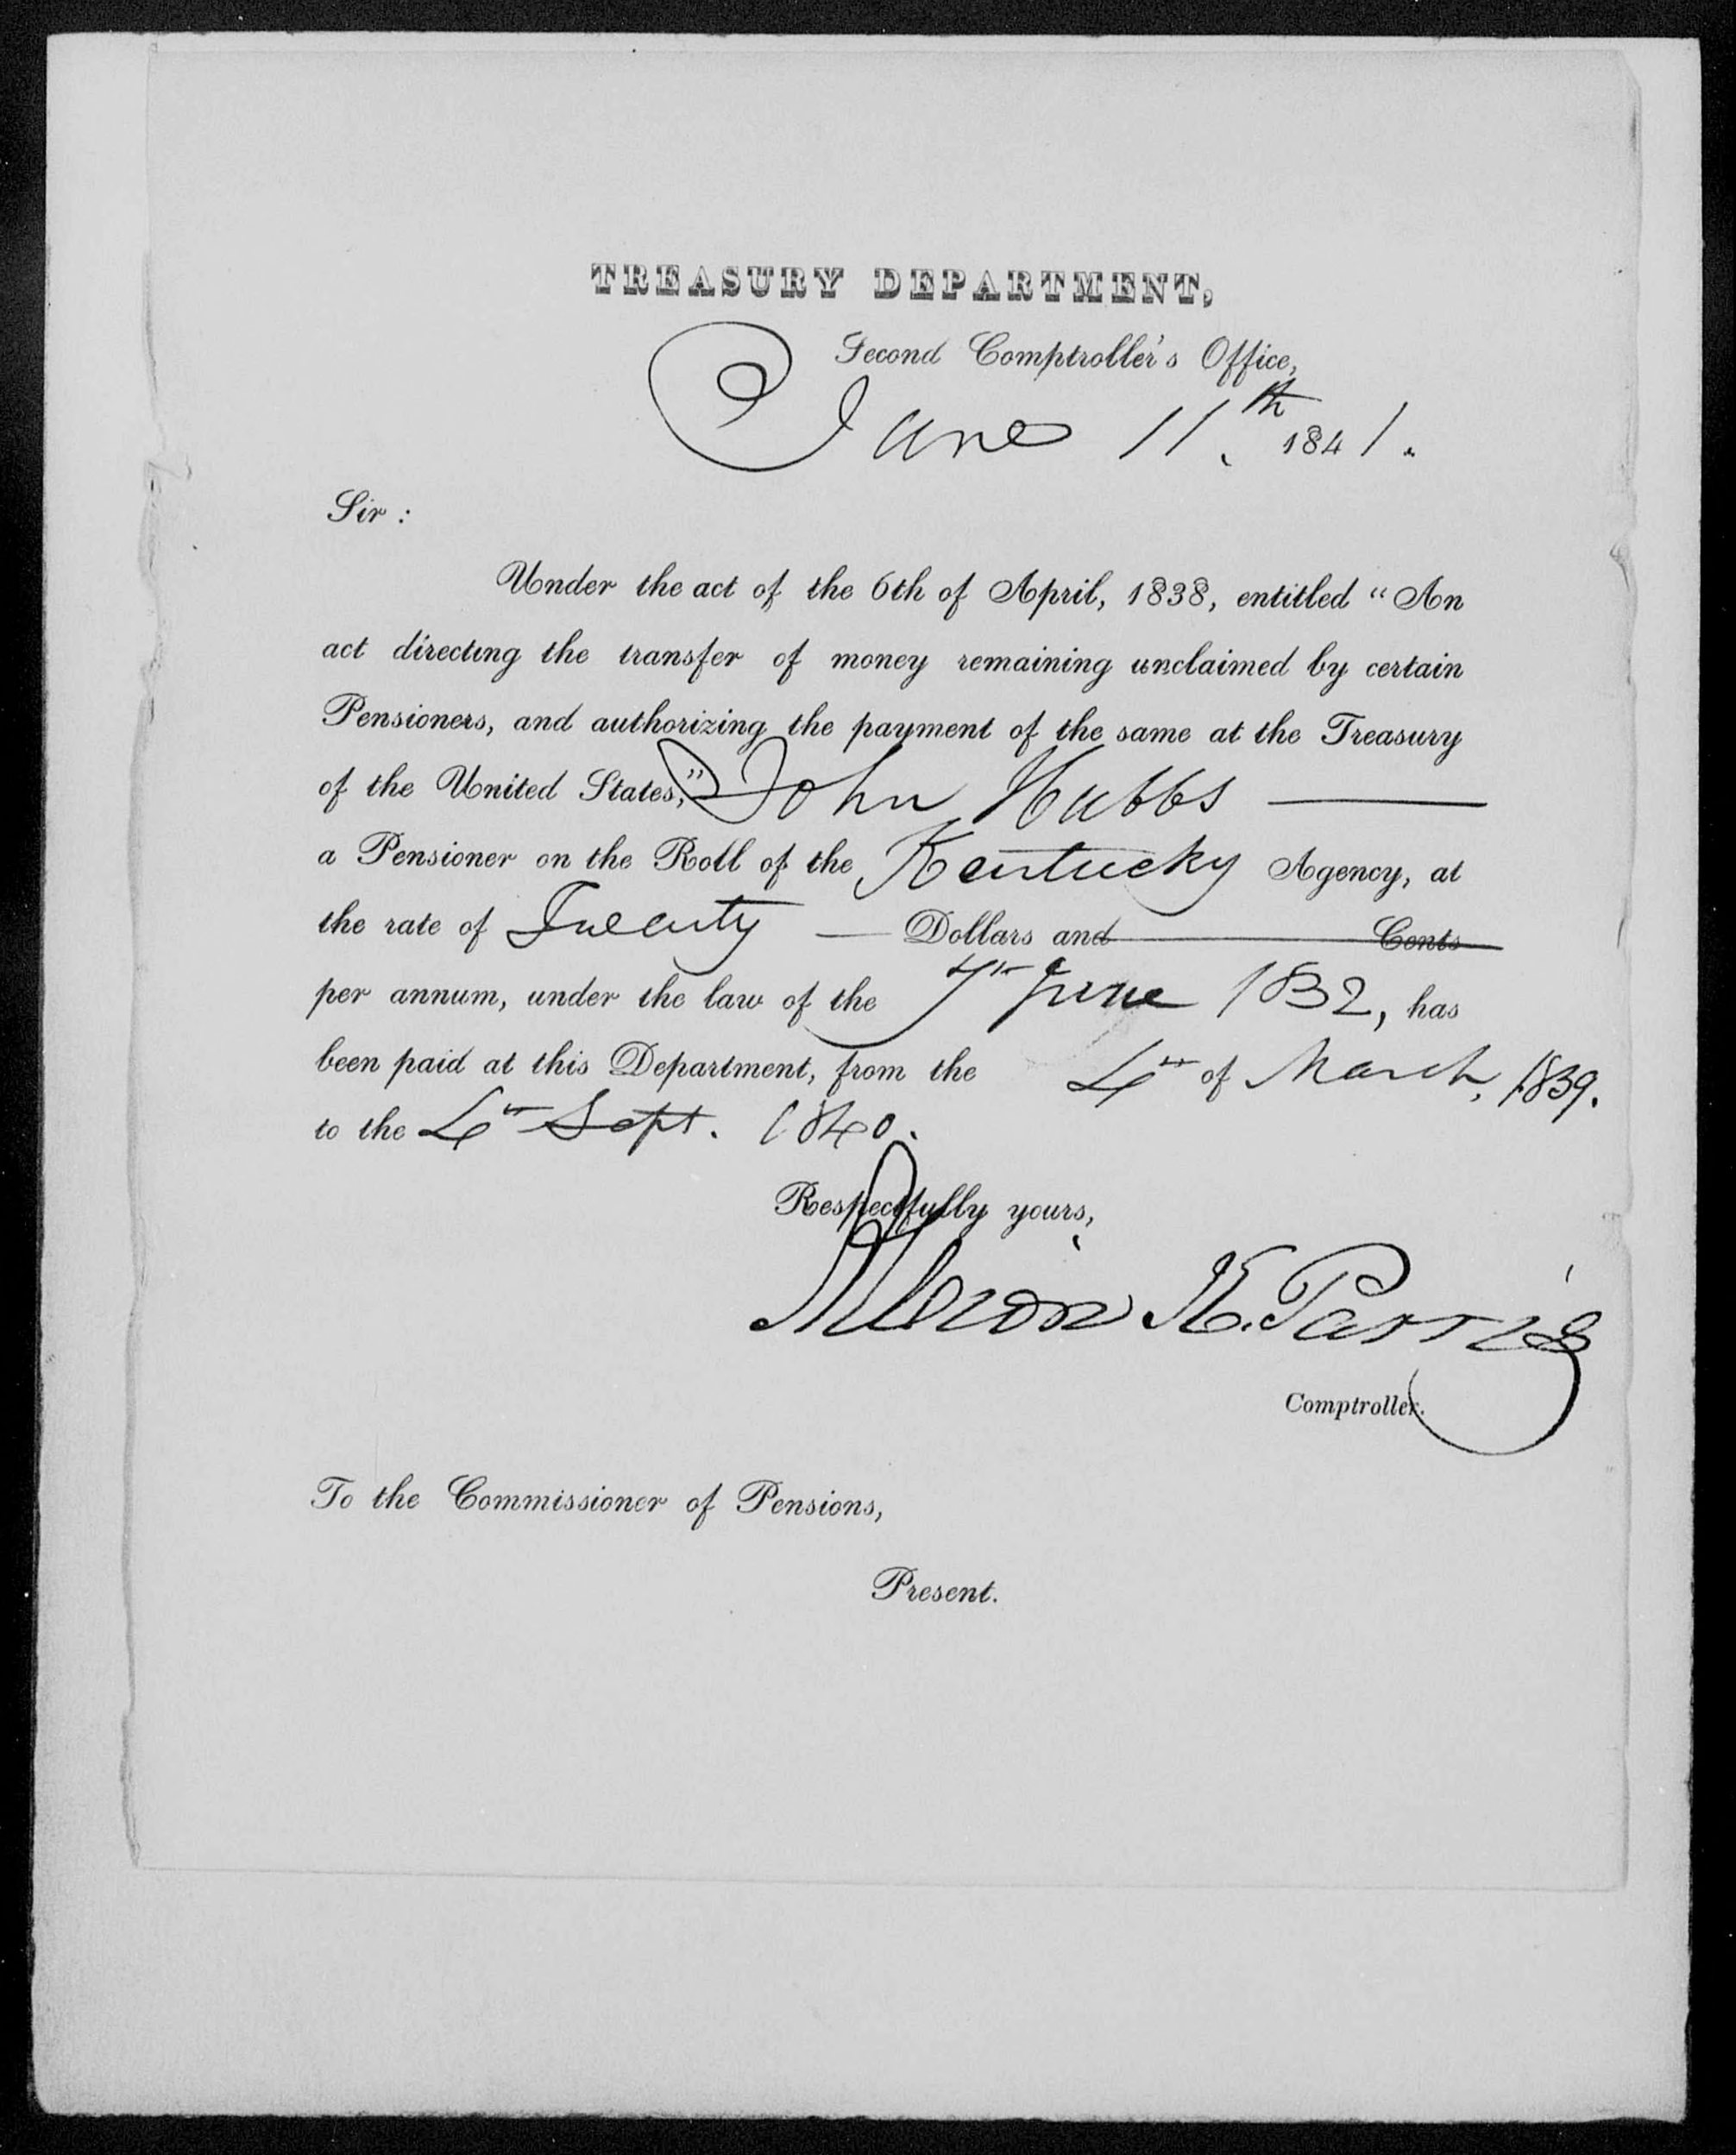TREASURY DEPARTMENT
Second Comptroller's Office,
June 11th, 1841.
Sir:
Under the act of the 6th of April, 1838, entitled "An 
act directing the transfer of money remaining unclaimed by certain Pensioners, and authorizing the payment of the same at the Treasury of the United  States,"  John Hubbs
a Pensioner on the Roll of the Kentucky Agency, at 
the rate of Twenty Dollars
per annum, under the law of the 7th June 1832, has 
been paid at this Department, from the 4th of March, 1839
 to the 4th Sept. 1840.

Respectfully yours,
Albion K Parris [signature]
Comptroller.

To the Commissioner of Pensions,
Present.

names: Albion K Parris, John Hubbs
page: 36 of 86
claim: widow's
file: W. 1035, John Hubbs, S.C.